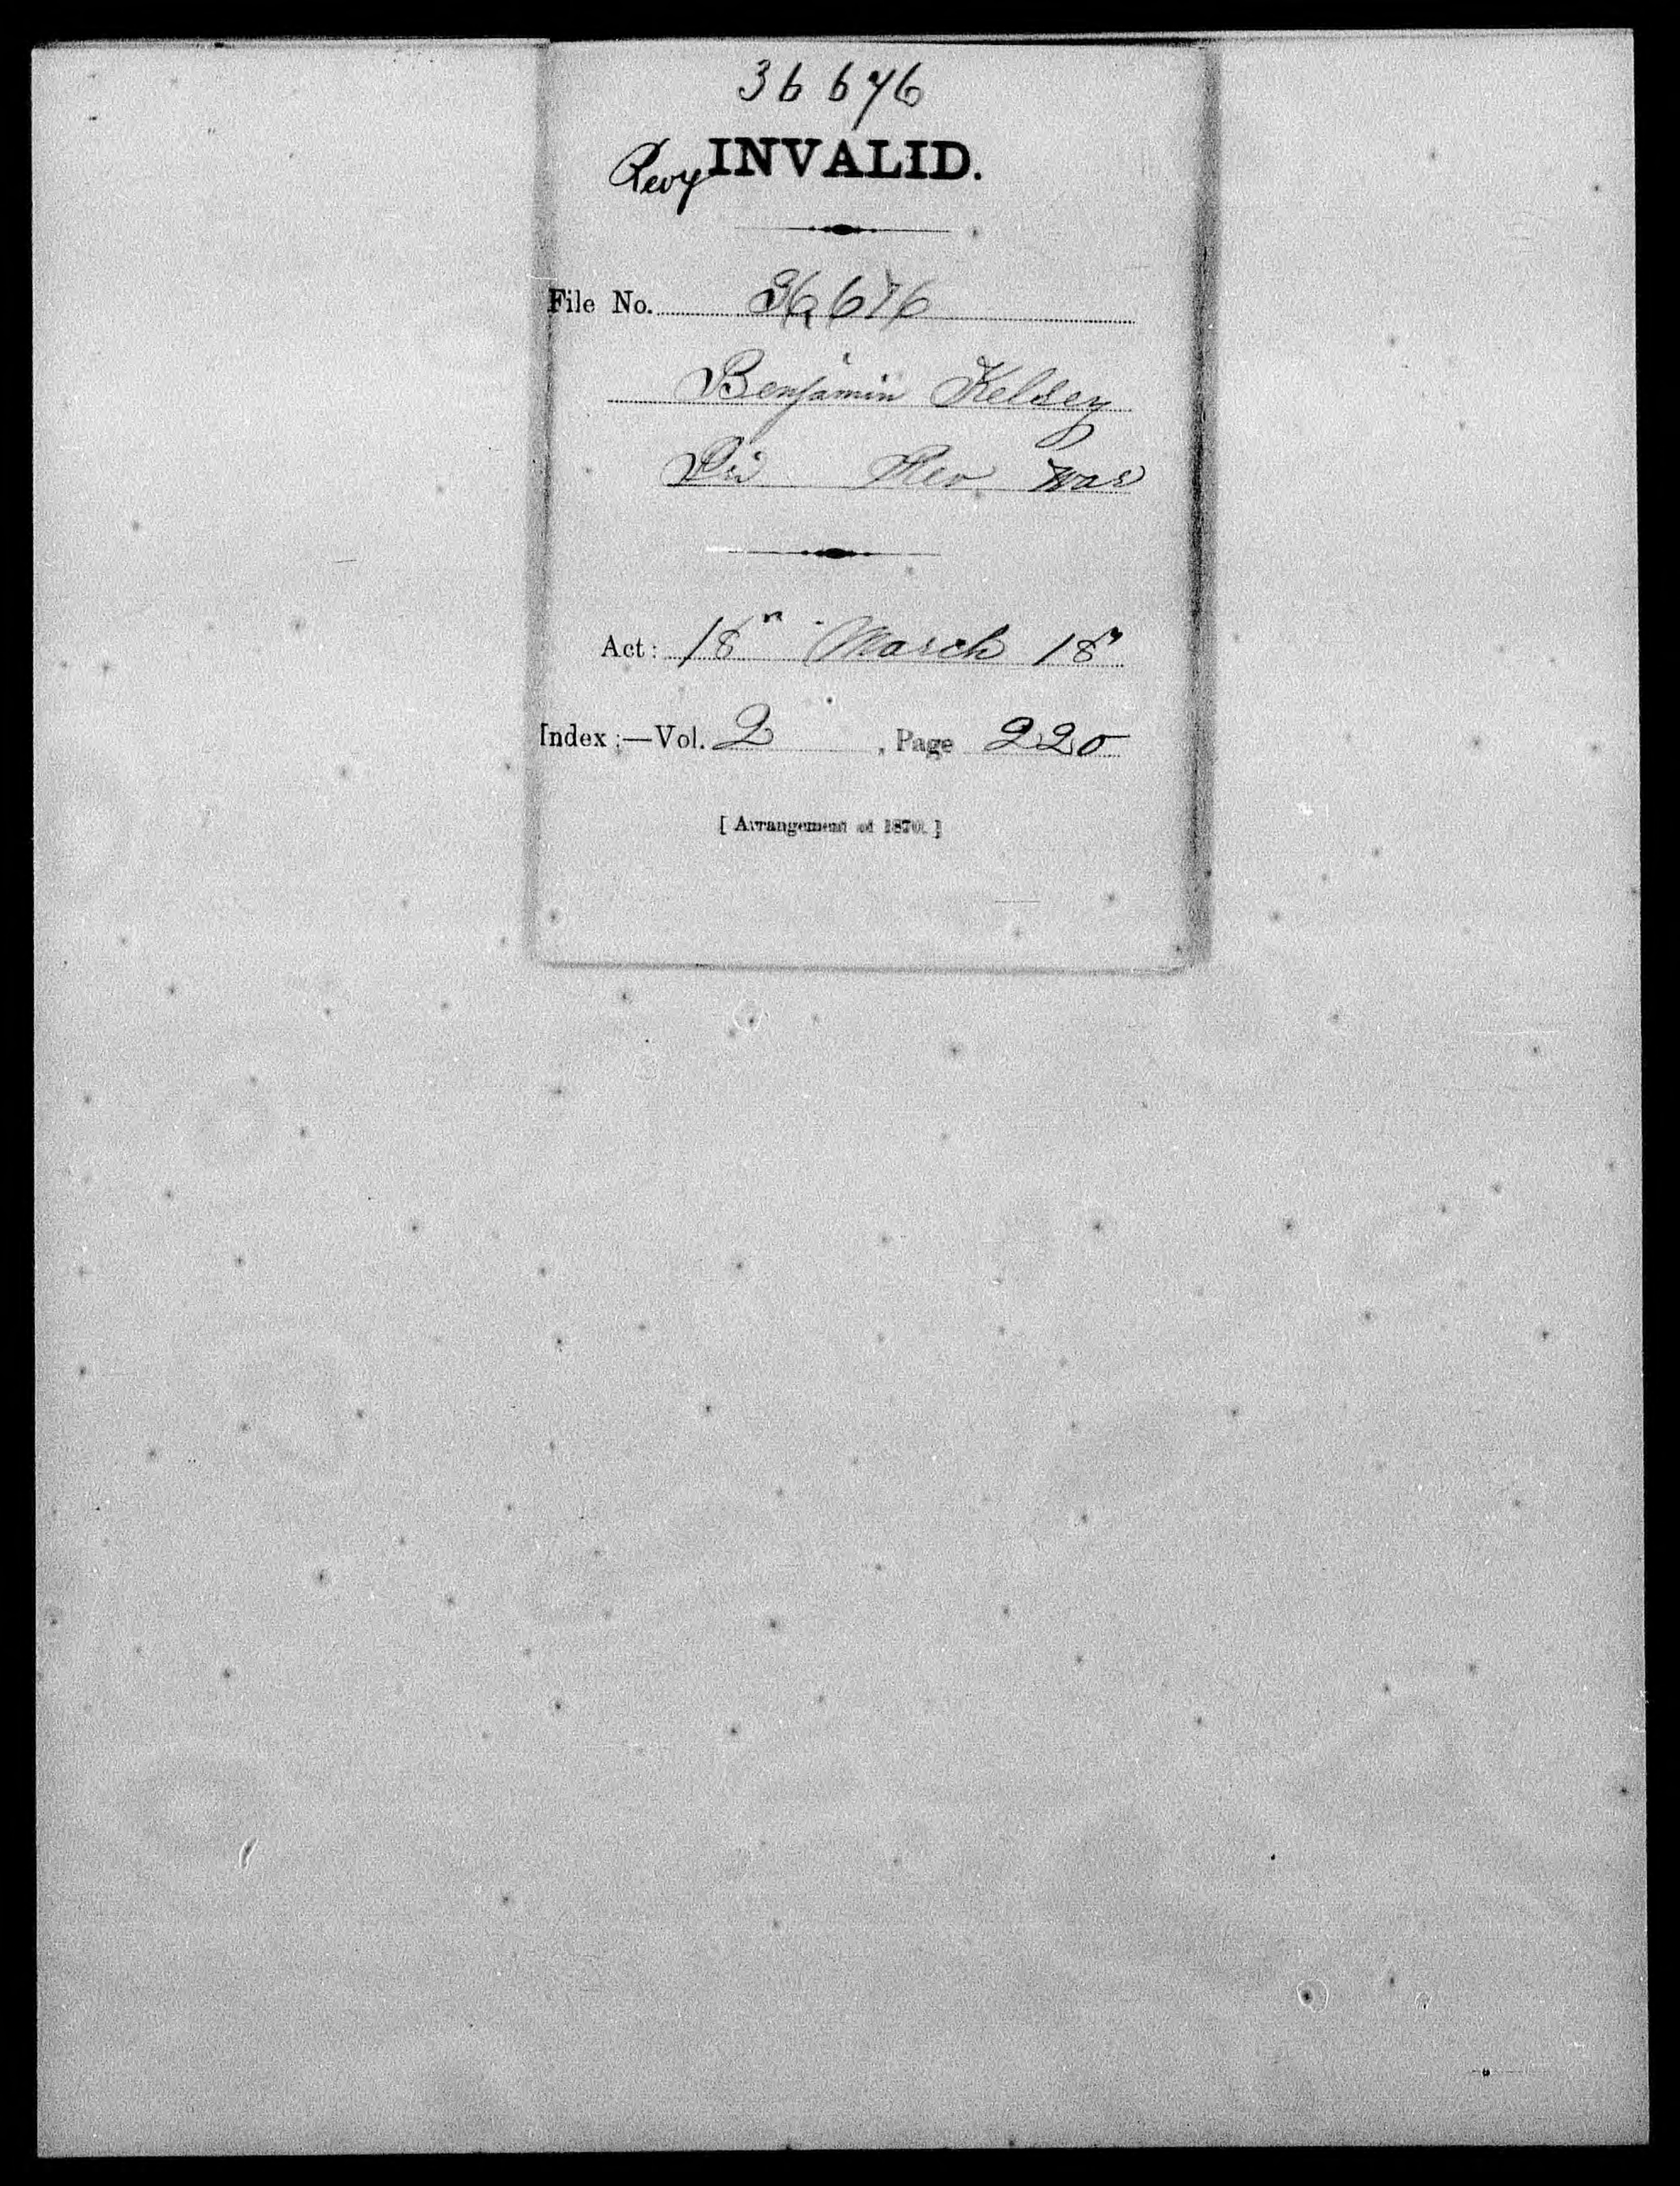36676
Revy INVALID
File No. 36,676
Benjamin Kelsey
Pri Rev War
Act: 18” March 18
Index: Vol 2, Page 220
[Arrangement of 1870]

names: Benjamin Kelsey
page: 15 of 21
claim: survivor's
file: S. 36676, for Benjamin Kelsey, Connecticut